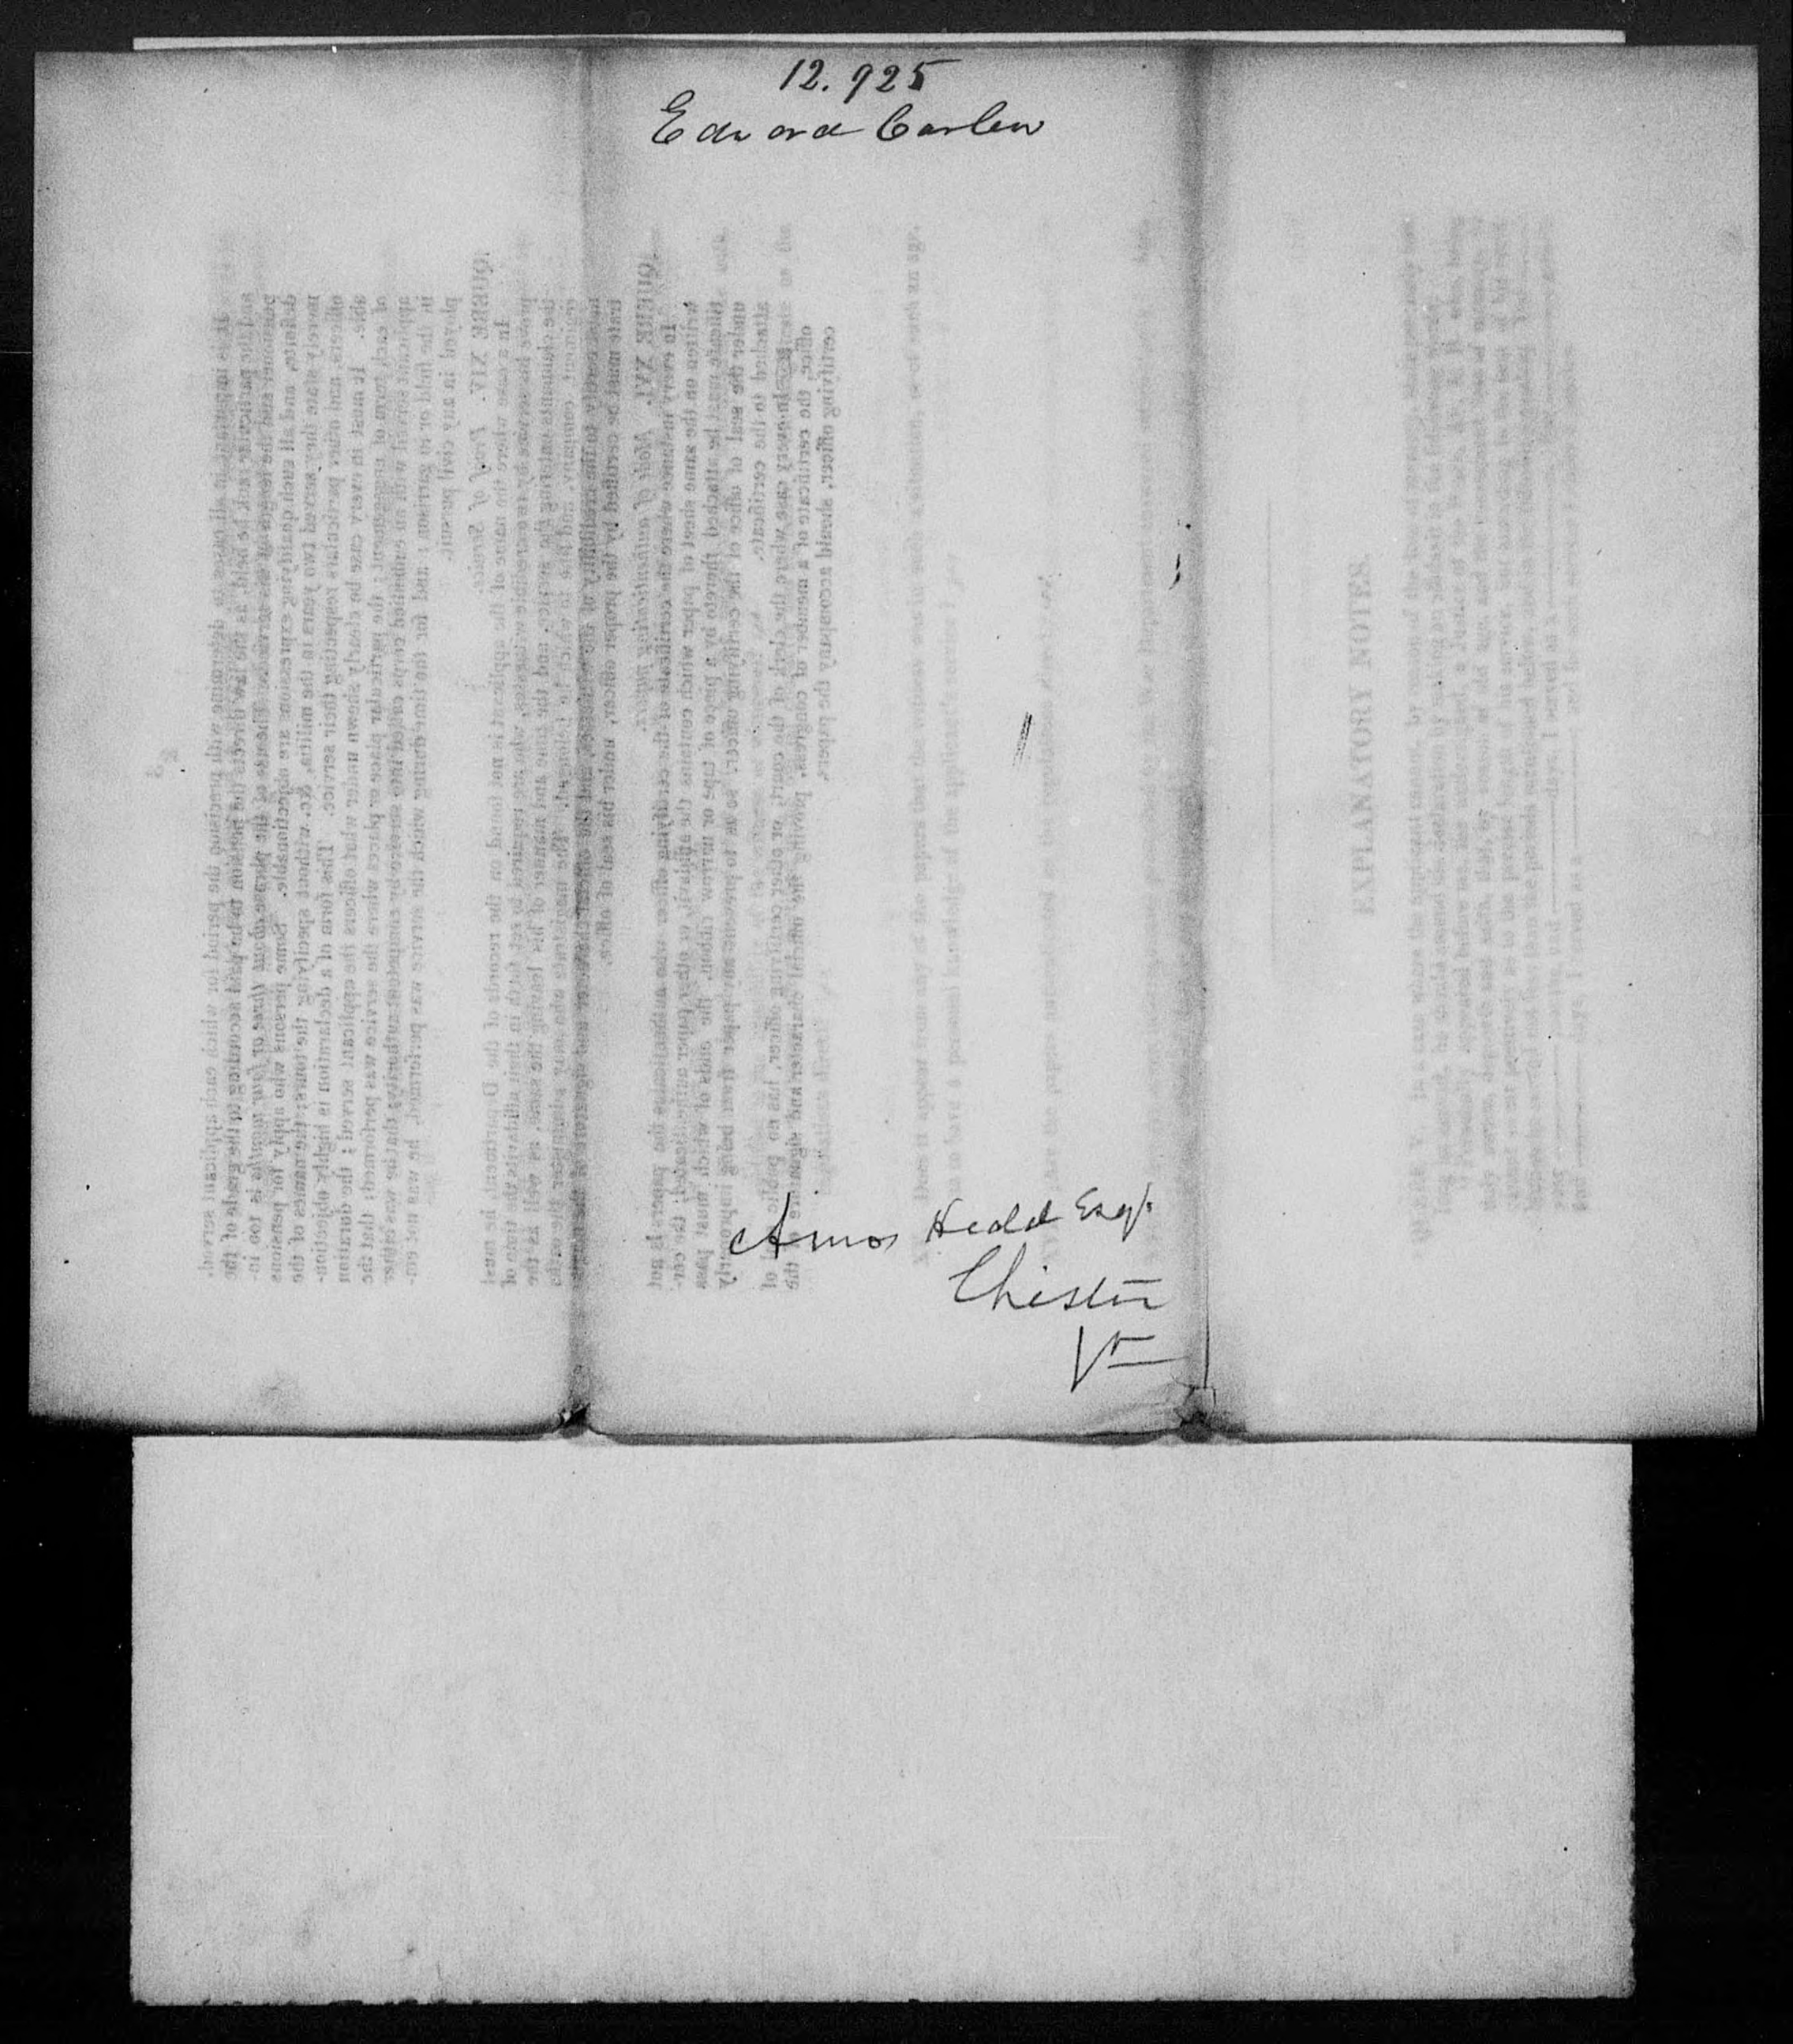12.925
Edward Corlew

Amos Heald Esqr.
Chester Vt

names: Amos Heald, Edward Corlew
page: 11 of 18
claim: survivor's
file: S. 21,702, Edward Corlew, Vt.